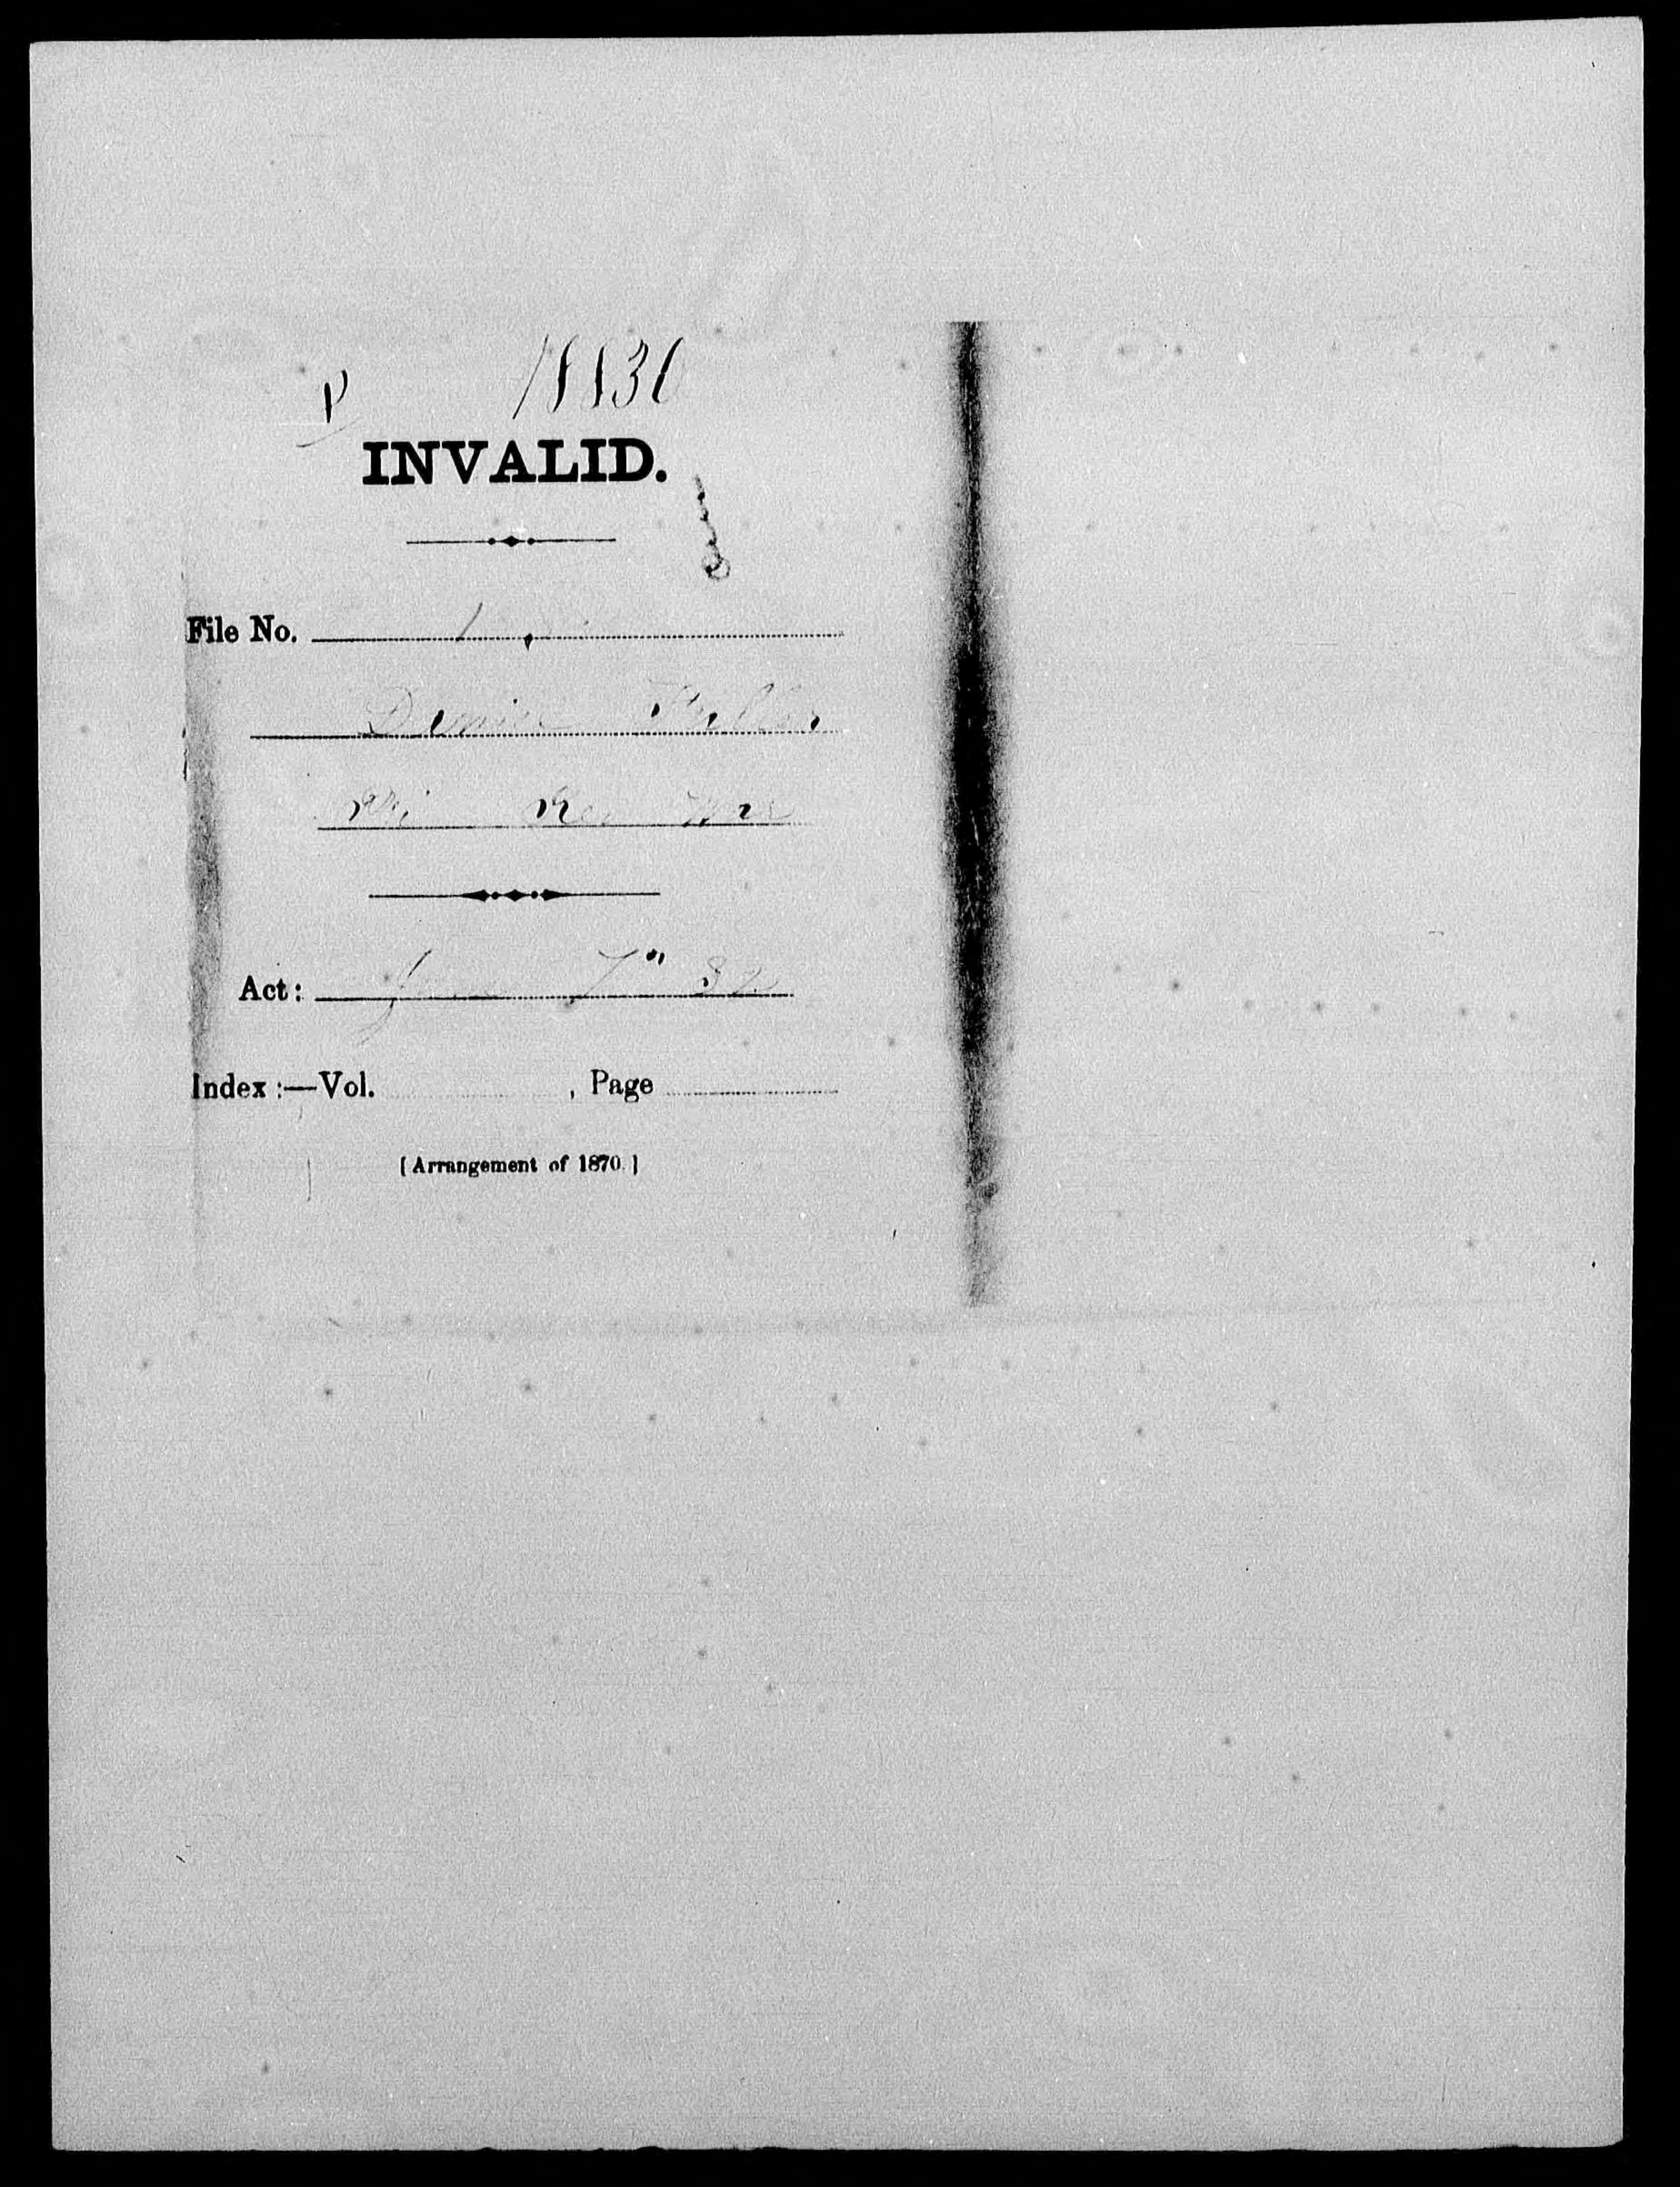[P mark] 
18830
INVALID. 

File No 1[?] 
Daniel Fuller 
Pri Rev War 
_____
Act June 7th 82 
Index: - Vol. ____ Page______
[Arrangement of 1870]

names: Daniel Fuller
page: 18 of 29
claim: survivor's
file: S. 18830, Daniel Fuller, Mass.